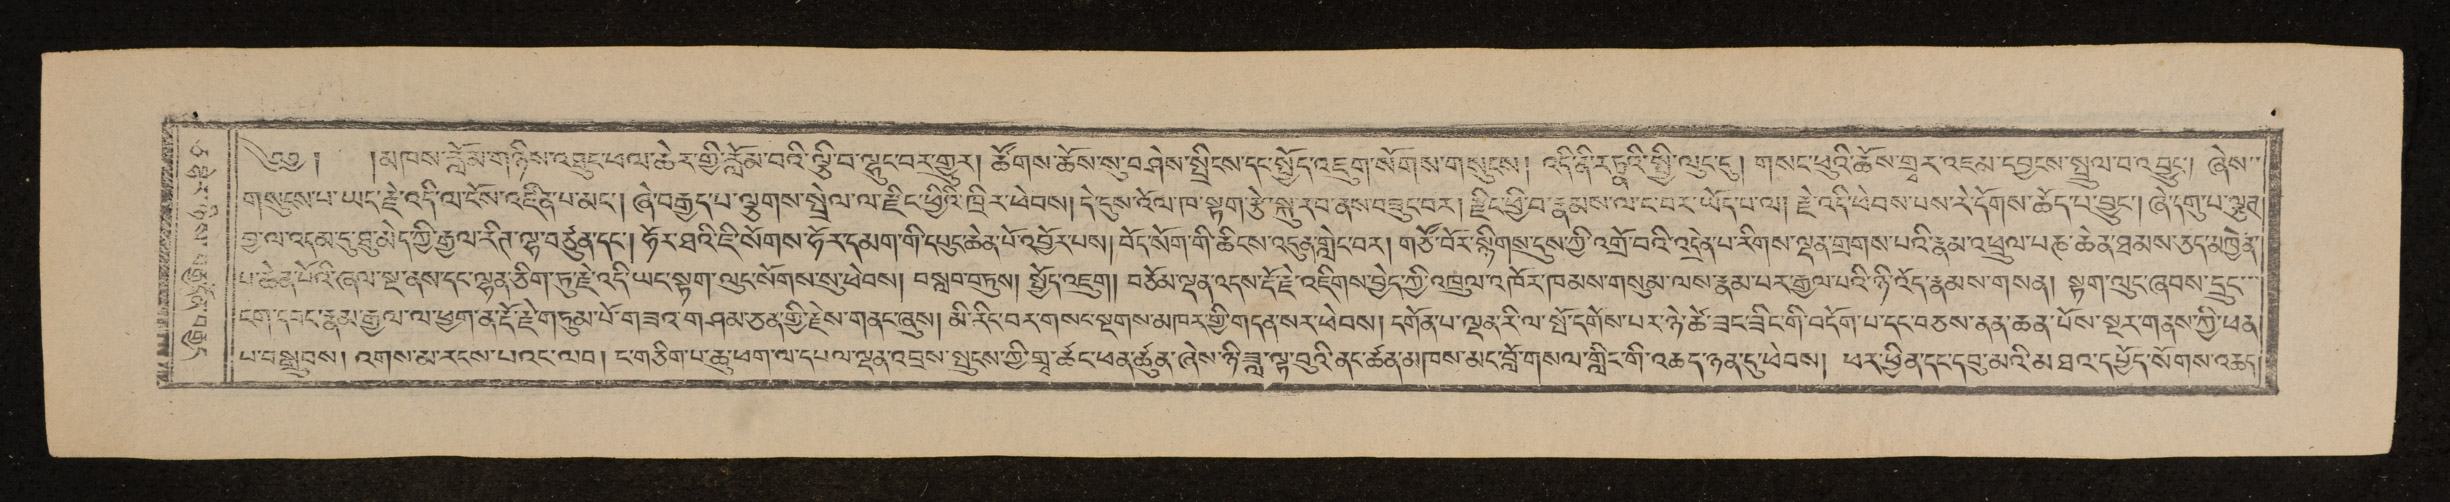༄༅། །མཁས་རློམ་གཉིས་འཐུང་ཁལ་ཆེར་གྱི་རློམ་པའི་ལྕི་བ་ལྷུང་བར་གྱུར། ཚོགས་ཆོས་སུ་བཤེས་སྤྲིངས་དང་སྤྱོད་འཇུག་སོགས་གསུངས། འདི་ནི་རཏྣའི་སྤྱི་ལུང་དུ། གསང་ཕུའི་ཆོས་གྲྭར་འཇམ་དབྱངས་སྤྲུལ་བ་འབྱུང་། ཞེས་
གསུངས་པ་ཡང་རྗེ་འདི་ལ་ངོས་འཛིན་པ་མང་། ཞེ་བརྒྱད་པ་ལྕགས་སྤྲེལ་ལ་རྫིང་ཕྱིའི་ཁྲིར་ཕེབས། དེ་དུས་འོལ་ཁ་སྟག་རྩེ་སྐུ་རབ་ནས་བཟུང་བར། རྫིང་ཕྱི་བ་རྣམས་ཡང་བར་ཡོད་པ་ལ། རྗེ་འདི་ཕེབས་པས་རི་དོགས་ཆོད་པ་བྱུང་། ཞེ་དགུ་པ་ལྕགས་བྱ་
ལ་འདམ་དུ་ཐུ་མེད་ཀྱི་རྒྱལ་རིགས་ལྷ་བཙུན་དང་། ཧོང་ཐའི་ཇི་སོགས་ཧོར་དམག་གི་དཔུང་ཆེན་པོ་འབྱོར་པས། བོད་སོགས་གི་ཆིངས་འདུན་གླེང་བར། གཙོ་བོར་སྙིགས་དུས་ཀྱི་འགྲོ་བའི་འདྲེན་པ་རིགས་ལྡན་གྲགས་པའི་རྣམ་འཕྲུལ་པཎ་ཆེན་ཐམས་ཅད་
མཁྱེན་པ་ཆེན་པོའི་ཞལ་སྔ་ནས་དང་ལྷན་ཅིག་ཏུ་རྗེ་འདི་ཡང་སྟག་ལུང་སོགས་སུ་ཕེབས། བསླབ་བཏུས། སྤྱོད་འཇུག །བཅོམ་ལྡན་འདས་རྡོ་རྗེ་འཇིགས་བྱེད་ཀྱི་འཁྲུལ་འཁོར་ཁམས་གསུམ་ལས་རྣམ་པར་རྒྱལ་བའི་ཉི་འོད་རྣམས་གསན། སྟག་ལུང་
ཞབས་དྲུང་ངག་དབང་རྣམ་རྒྱལ་ལ་ཕྱག་ན་རྡོ་རྗེ་གཏུམ་པོ་གཟའ་གཤམ་ཅན་གྱི་རྗེས་གནང་ཞུས། མི་རིང་པར་གསང་སྔགས་མཁར་གྱི་གདན་སར་ཕེབས། དགོན་པ་ལྡན་རི་ལ་སྤོ་དགོས་པར་ཉེ་ཚེ་ཟང་ཟིང་གི་བདོག་པ་དང་བཅས་ནན་ཆེན་པོས་སྔར་
གནས་ཀྱི་ཕན་པ་བསྒྲུབས། འགས་མ་རངས་པའང་ལབ། ང་གཅིག་པ་ཆུ་ཕག་ལ་དཔལ་ལྡན་འབྲས་སྤུངས་ཀྱི་གྲྭ་ཚང་ཕན་ཚུན་ཞེས་ཉི་ཟླ་ལྟ་བུའི་ནང་ཚན་མཁས་མང་བློ་གསལ་གླིང་གི་འཆད་ཉན་དུ་ཕེབས། ཕར་ཕྱིན་དང་དབུ་མའི་མཐའ་དཔྱོད་